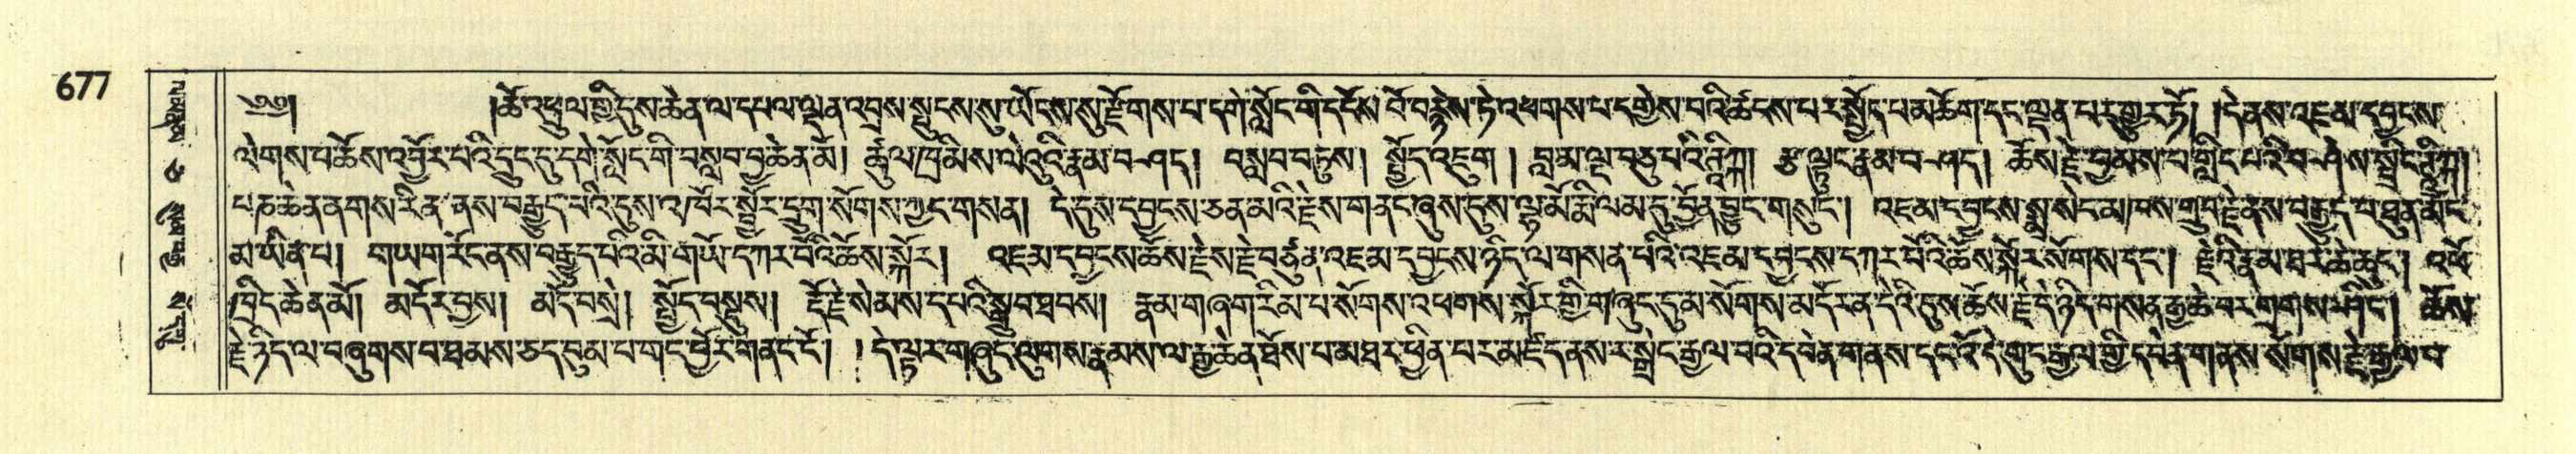༄༅། །ཆོ་འཕྲུལ་གྱི་དུས་ཆེན་ལ་དཔལ་ལྡན་འབྲས་སྤུངས་སུ་ཡོངས་སུ་རྫོགས་པ་དགེ་སློང་གི་དངོས་བོ་བརྙེས་ཏེ་འཕགས་པ་དགྱེས་པའི་ཚངས་པར་སྤྱོད་པ་མཆོག་དང་ལྡན་པར་གྱུར་ཏོ། །དེ་ནས་འཇམ་དབྱངས་
ལེགས་པ་ཆོས་འབྱོར་པའི་དྲུང་དུ་དགེ་སློང་གི་བསླབ་བྱ་ཆེན་མོ། ཚུལ་ཁྲིམས་ལེའུའི་རྣམ་བཤད། བསླབ་བཏུས། སྤྱོད་འཇུག །བླ་མ་ལྔ་བཅུ་པའི་ཊཱིཀྐ། རྩ་ལྟུང་རྣམ་བཤད། ཆོས་རྗེ་བྱམས་པ་གླིང་པའི་བཤེས་སྤྲིང་ཊཱིཀྐ།
པཎ་ཆེན་ནགས་རིན་ནས་བརྒྱུད་པའི་དུས་འཁོར་སྦྱོར་དྲུག་སོགས་ཀྱང་གསན། དེ་དུས་དབྱངས་ཅན་མའི་རྗེས་གནང་ཞུས་དུས་ལྷ་མོ་རྨི་ལམ་དུ་བྱོན་བྱུང་གསུང་། འཇམ་དབྱངས་སྨྲ་སེང་མཁས་གྲུབ་རྗེ་ནས་བརྒྱུད་པ་ཐུན་མོང་
མ་ཡིན་པ། གཡག་རོང་ནས་བརྒྱུད་པའི་མི་གཡོ་དཀར་བོའི་ཆོས་སྐོར། འཇམ་དབྱངས་ཆོས་རྗེས་རྗེ་བཙུན་འཇམ་དབྱངས་ཉིད་ལ་གསན་པའི་འཇམ་དབྱངས་དཀར་པོའི་ཆོས་སྐོར་སོགས་དང་། རྗེའི་རྣམ་ཐར་ཆེ་ཆུང་། འཕོ་
ཁྲིད་ཆེན་མོ། མདོར་བྱས། མདོ་བསྲེ། སྤྱོད་བསྡུས། རྡོ་རྗེ་སེམས་དཔའི་སྒྲུབ་ཐབས། རྣམ་གཞག་རིམ་པ་སོགས་འཕགས་སྐོར་གྱི་གཞུང་དུ་མ་སོགས་མདོར་ན་དེའི་དུས་ཆོས་རྗེ་དེ་ཉིད་གསན་རྒྱ་ཆེ་བར་གྲགས་ཤིང་། ཆོས་
རྗེ་ཉིད་ལ་བཞུགས་པ་ཐམས་ཅད་བུམ་པ་གང་བྱོར་གནང་ངོ། །དེ་ལྟར་གཞུང་ལུགས་རྣམས་ལ་རྒྱ་ཆེན་ཐོས་པ་མཐར་ཕྱིན་པར་མཛད་ནས་སྒྲེང་རྒྱལ་བའི་དབེན་གནས་དང་པོ་དེ་གུང་རྒྱལ་གྱི་དབེན་གནས་སོགས་རྗེ་རྒྱལ་བ་